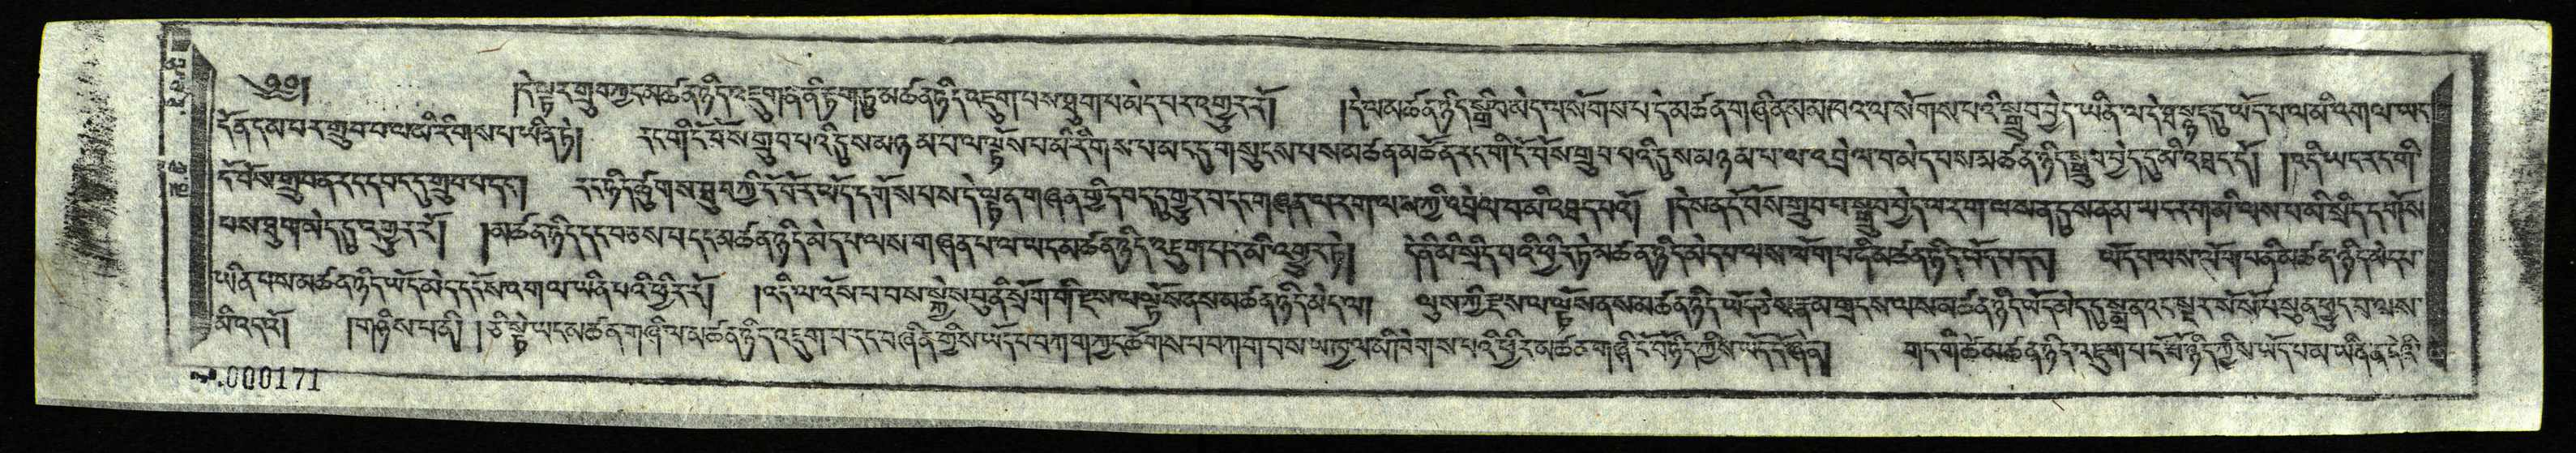༄༅། །དེ་ལྟར་གྲུབ་ཀྱང་མཚན་ཉིད་འཇུག་ན་ནི་རྟག་ཏུ་མཚན་ཉིད་འཇུག་པས་ཐུག་པ་མེད་པར་འགྱུར་རོ། །དེ་ལ་མཚན་ཉིད་སྒྲིབ་མེད་ལ་སོགས་པ་དེ་མཚན་གཞི་ནམ་མཁའ་ལ་སོགས་པའི་སྒྲུབ་བྱེད་ཡིན་ལ་དེ་ཐ་སྙད་དུ་ཡོད་པ་ལ་མི་འགལ་ཡང་
དོན་དམ་པར་གྲུབ་པ་ལ་མི་རིགས་པ་ཡིན་ཏེ། རང་གི་ངོ་བོས་གྲུབ་པའི་དུས་མཉམ་པ་ལ་ལྟོས་པ་མི་རིགས་པ་མང་དུ་གསུངས་པས་མཚན་མཚོན་རང་གི་ངོ་བོས་གྲུབ་པའི་དུས་མཉམ་པ་ལ་འབྲེལ་བ་མེད་པས་མཚན་ཉིད་སྒྲུབ་བྱེད་དུ་མི་འཐད་དོ། །འདི་ཡང་རང་གི་
ངོ་བོས་གྲུབ་ན་རང་དབང་དུ་གྲུབ་པ་དང་། རང་ཉིད་ཚུགས་ཐུབ་ཀྱི་ངོ་བོར་ཡོད་དགོས་པས་དེ་ལྟར་གཞན་གྱི་དབང་དུ་གྱུར་པ་དང་གཞན་ལ་རག་ལས་ཀྱི་འབྲེལ་པ་མི་འཐད་པའོ། །དེས་ན་ངོ་བོས་གྲུབ་པ་སྒྲུབ་བྱེད་ལ་རག་ལས་ན་དུས་ནམ་ཡང་རག་མི་ལས་པ་མི་སྲིད་དགོས་
པས་ཐུག་མེད་དུ་འགྱུར་རོ། །མཚན་ཉིད་དང་བཅས་པ་དང་མཚན་ཉིད་མེད་པ་ལས་གཞན་པ་ལ་ཡང་མཚན་ཉིད་འཇུག་པར་མི་འགྱུར་ཏེ། དེ་ནི་མི་སྲིད་པའི་ཕྱིར་ཏེ་མཚན་ཉིད་མེད་པ་ལས་ལོག་པ་ནི་མཚན་ཉིད་ཡོད་པ་དང་། ཡོད་པ་ལས་ལོག་པ་ནི་མཚན་ཉིད་མེད་པ་
ཡིན་པས་མཚན་ཉིད་ཡོད་མེད་དངོས་འགལ་ཡིན་པའི་ཕྱིར་རོ། །འདི་ལ་འོས་པ་བས་སྐྱེས་བུ་ནི་སྲོག་གི་རྫས་ལ་ལྟོས་ནས་མཚན་ཉིད་མེད་ལ། ལུས་ཀྱི་རྫས་ལ་ལྟོས་ནས་མཚན་ཉིད་ཡོད་ཅེས་རྣམ་གྲངས་ལས་མཚན་ཉིད་ཡོད་མེད་དུ་སྨྲ་ནའང་སྔར་སོ་སོ་བ་སུན་ཕྱུང་བ་ལས་
མི་འདའོ། །གཉིས་པ་ནི། །ཅི་སྟེ་ཡང་མཚན་གཞི་ལ་མཚན་ཉིད་འཇུག་པ་རང་བཞིན་གྱིས་ཡོད་པ་བཀག་ཀྱང་ཚོགས་པ་བཀག་བས་ལ་ཁྱལ་མི་ཁེགས་པའི་ཕྱིར་མཚན་གཞི་ངོ་བོ་ཉིད་ཀྱིས་ཡོད་དོ་ཞེ་ན། གང་གི་ཚེ་མཚན་ཉིད་འཇུག་པ་ངོ་བོ་ཉིད་ཀྱིས་ཡོད་པ་མ་ཡིན་ན་དེའི་